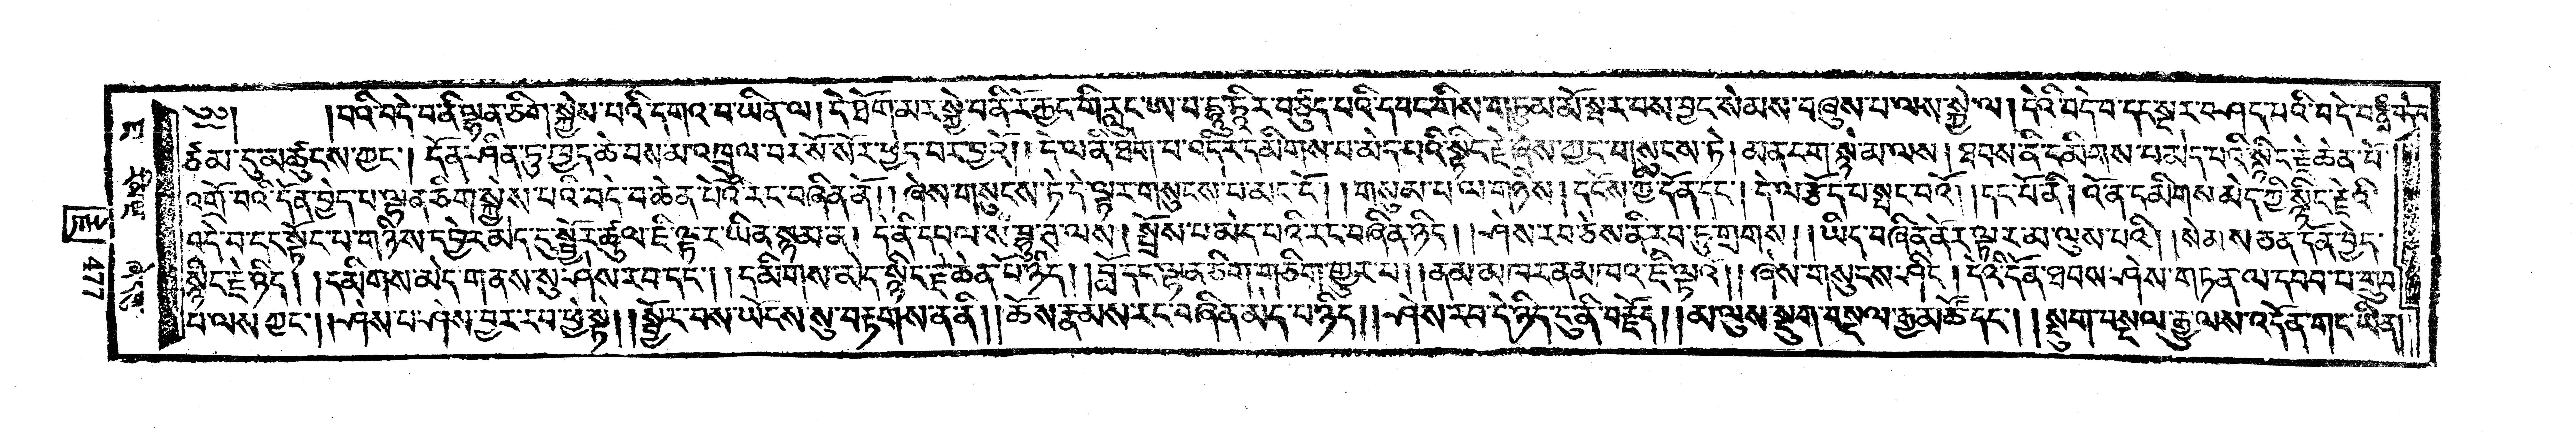༄༅། །བའི་བདེ་བ་ནི་ལྷན་ཅིག་སྐྱེས་པའི་དགའ་བ་ཡིན་ལ། དེ་ཐོག་མར་སྐྱེ་བ་ནི་རོ་རྐྱང་གི་རླུང་ཨ་བ་དྷཱུ་ཏཱིར་བཙུད་པའི་དབང་གིས་གཏུམ་མོ་སྦར་བས་བྱང་སེམས་བཞུས་པ་ལས་སྐྱེ་ལ། དེའི་བདེ་བ་དང་སྔར་བཤད་པའི་བདེ་བ་རྣམས་བདེ་བ་
ཙམ་དུ་མཚུངས་ཀྱང་། དོན་ཤིན་ཏུ་ཁྱད་ཆེ་བས་མ་འཁྲུལ་བར་སོ་སོར་ཕྱེད་པར་བྱའོ། །དེ་ལ་ནི་ཐེག་པ་འདིར་དམིགས་པ་མེད་པའི་སྙིང་རྗེ་ཞེས་ཀྱང་གསུངས་ཏེ། མན་ངག་སྙེ་མ་ལས། ཐབས་ནི་དམིགས་པ་མེད་པའི་སྙིང་རྗེ་ཆེན་པོ་
འགྲོ་བའི་དོན་བྱེད་པ་ལྷན་ཅིག་སྐྱེས་པའི་བདེ་བ་ཆེན་པོའི་རང་བཞིན་ནོ། །ཞེས་གསུངས་ཏེ་དེ་ལྟར་གསུངས་པ་མང་ངོ། །གསུམ་པ་ལ་གཉིས། དངོས་ཀྱི་དོན་དང་། དེ་ལ་རྩོད་པ་སྤང་བའོ། །དང་པོ་ནི། འོ་ན་དམིགས་མེད་ཀྱི་སྙིང་རྗེའི་
བདེ་བ་དང་སྟོང་པ་གཉིས་དབྱེར་མེད་དུ་སྦྱོར་ཚུལ་ཇི་ལྟར་ཡིན་སྙམ་ན། དེ་ནི་དཔལ་སཾ་བྷུ་ཊ་ལས། སྤྲོས་པ་མེད་པའི་རང་བཞིན་ཉིད། །ཤེས་རབ་ཅེས་ནི་རབ་ཏུ་གྲགས། །ཡིད་བཞིན་ནོར་ལྟར་མ་ལུས་པའི། །སེམས་ཅན་དོན་བྱེ་
སྙིང་རྗེ་ཉིད། །དམིགས་མེད་གནས་སུ་ཤེས་རབ་དང་། །དམིགས་མེད་སྙིང་རྗེ་ཆེན་པོ་ཉིད། །བློ་དང་ལྷན་ཅིག་གཅིག་གྱུར་པ། །ནམ་མཁར་ནམ་མཁའ་ཇི་ལྟའོ། །ཞེས་གསུངས་ཤིང་། དེའི་དོན་ཐབས་ཤེས་གཏན་ལ་དབབ་པ་གྲུབ་
པ་ལས་ཀྱང་། །ཤེས་པ་ཤེས་བྱར་རབ་ཕྱེ་སྟེ། །སྦྱོར་བས་ཡོངས་སུ་བརྟགས་ན་ནི། །ཆོས་རྣམས་རང་བཞིན་མེད་པ་ཉིད། །ཤེས་རབ་དེ་ཉིད་དུ་ནི་བརྗོད། །མ་ལུས་སྡུག་བསྔལ་རྒྱ་མཚོ་དང་། །སྡུག་བསྔལ་རྒྱུ་ལས་འདོན་གང་ཡིན་